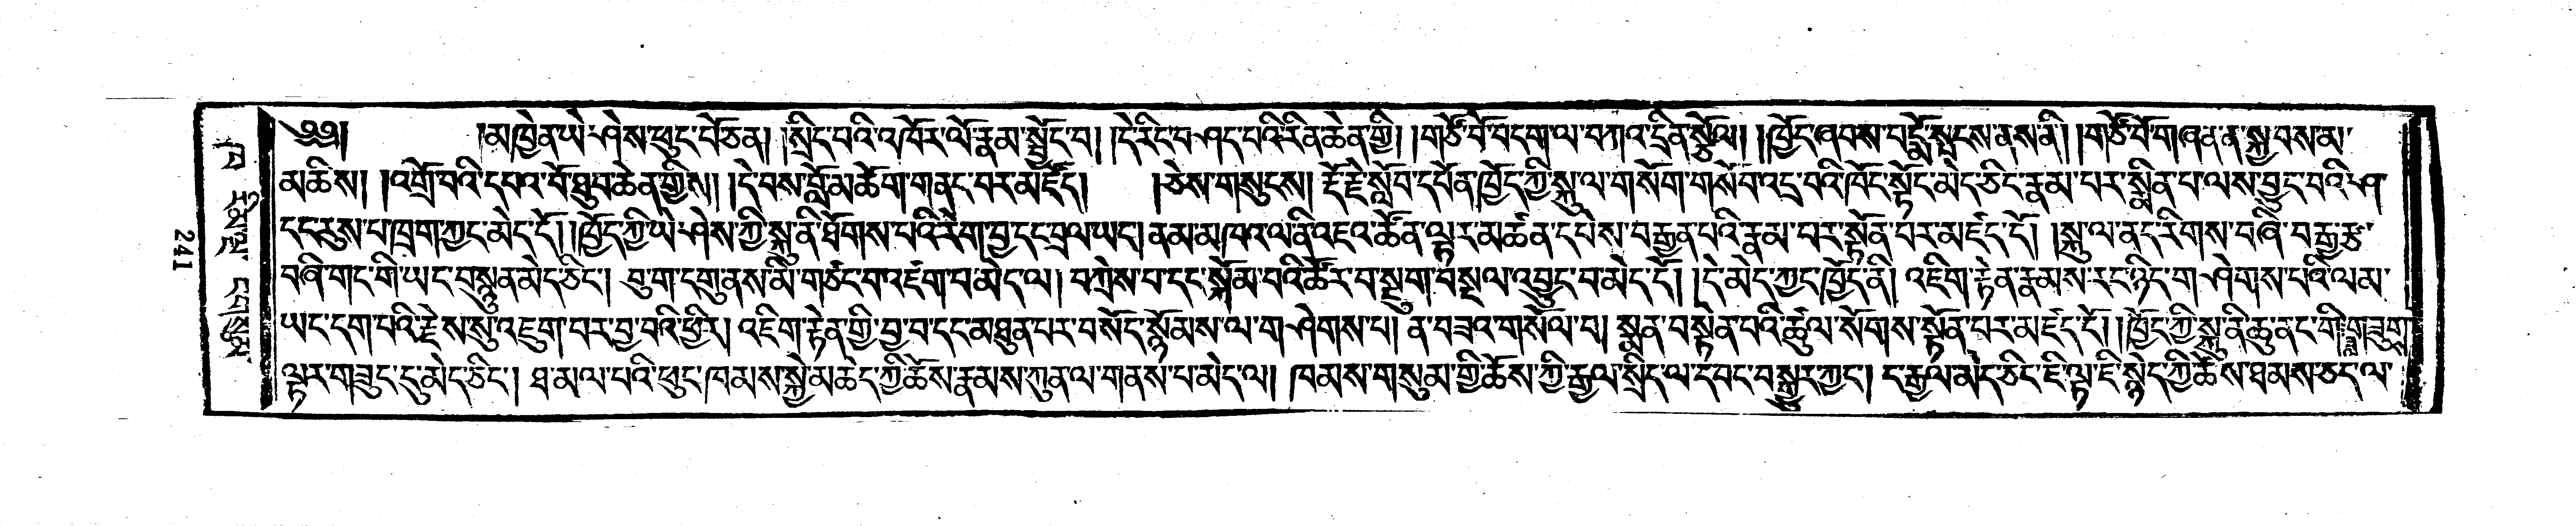༄༅། །མཁྱེན་ཡེ་ཤེས་ཕུང་པོ་ཅན། །སྲིད་པའི་འཁོར་ལོ་རྣམ་སྦྱོང་བ། །དེ་རིང་བཤད་པའི་རིན་ཆེན་གྱི། །གཙོ་བོ་བདག་ལ་བཀའ་དྲིན་སྩོལ། །ཁྱོད་ཞབས་པདམོ་སྤངས་ནས་ནི། །གཙོ་བོ་གཞན་ན་སྐྱབས་མ་
མཆིས། །འགྲོ་བའི་དཔའ་བོ་ཐུབ་ཆེན་གྱིས། །དེ་བས་བློ་མཆོག་གནང་བར་མཛོད། །ཅེས་གསུངས། རྡོ་རྗེ་སློབ་དཔོན་ཁྱོད་ཀྱི་སྐུ་ལ་གསོག་གསོབ་འདྲ་བའི་ཁོང་སྟོང་མེད་ཅིང་རྣམ་པར་སྨིན་པ་ལས་བྱུང་བའི་ཤ་
དང་རུས་པ་ཁྲག་ཀྱང་མེད་དོ། །ཁྱོད་ཀྱི་ཡེ་ཤེས་ཀྱི་སྐུ་ནི་ཐོགས་པའི་རེག་བྱ་དང་བྲལ་ཡང་། ནམ་མཁའ་ལ་ནི་འཇའ་ཚོན་ལྟར་མཚན་དཔེས་བརྒྱན་པའི་རྣམ་པར་སྟོན་པར་མཛད་དོ། །སྐུ་ལ་ནད་རིགས་བཞི་བརྒྱ་རྩ་
བཞི་གང་གི་ཡང་བསྙུན་མེད་ཅིང་། བུ་ག་དགུ་ནས་མི་གཙང་བ་འཛག་པ་མེད་ལ། བཀྲེས་པ་དང་སྐོམ་པའི་ཚོར་བ་སྡུག་བསྔལ་འབྱུང་བ་མེད་དོ། །དེ་མེད་ཀྱང་ཁྱོད་ནི། འཇིག་རྟེན་རྣམས་རང་ཉིད་གཤེགས་པའི་ལམ་
ཡང་དག་པའི་རྗེས་སུ་འཇུག་པར་བྱ་བའི་ཕྱིར། འཇིག་རྟེན་གྱི་བྱ་བ་དང་མཐུན་པར་བསོད་སྙོམས་ལ་གཤེགས་པ། ན་བཟའ་གསོལ་བ། སྨན་བསྟེན་པའི་ཚུལ་སོགས་སྟོན་པར་མཛད་དོ། །ཁྱོད་ཀྱི་སྐུ་ནི་ཆུ་ནང་གི་གཟུགས་
ལྟར་གཟུང་དུ་མེད་ཅིང་། ཐ་མལ་པའི་ཕུང་ཁམས་སྐྱེ་མཆེད་ཀྱི་ཆོས་རྣམས་ཀུན་ལ་གནས་པ་མེད་ལ། ཁམས་གསུམ་གྱི་ཆོས་ཀྱི་རྒྱལ་སྲིད་ལ་དབང་བསྒྱུར་ཀྱང་། ང་རྒྱལ་མེད་ཅིང་ཇི་ལྟ་ཇི་སྙེད་ཀྱི་ཆོས་ཐམས་ཅད་ལ་